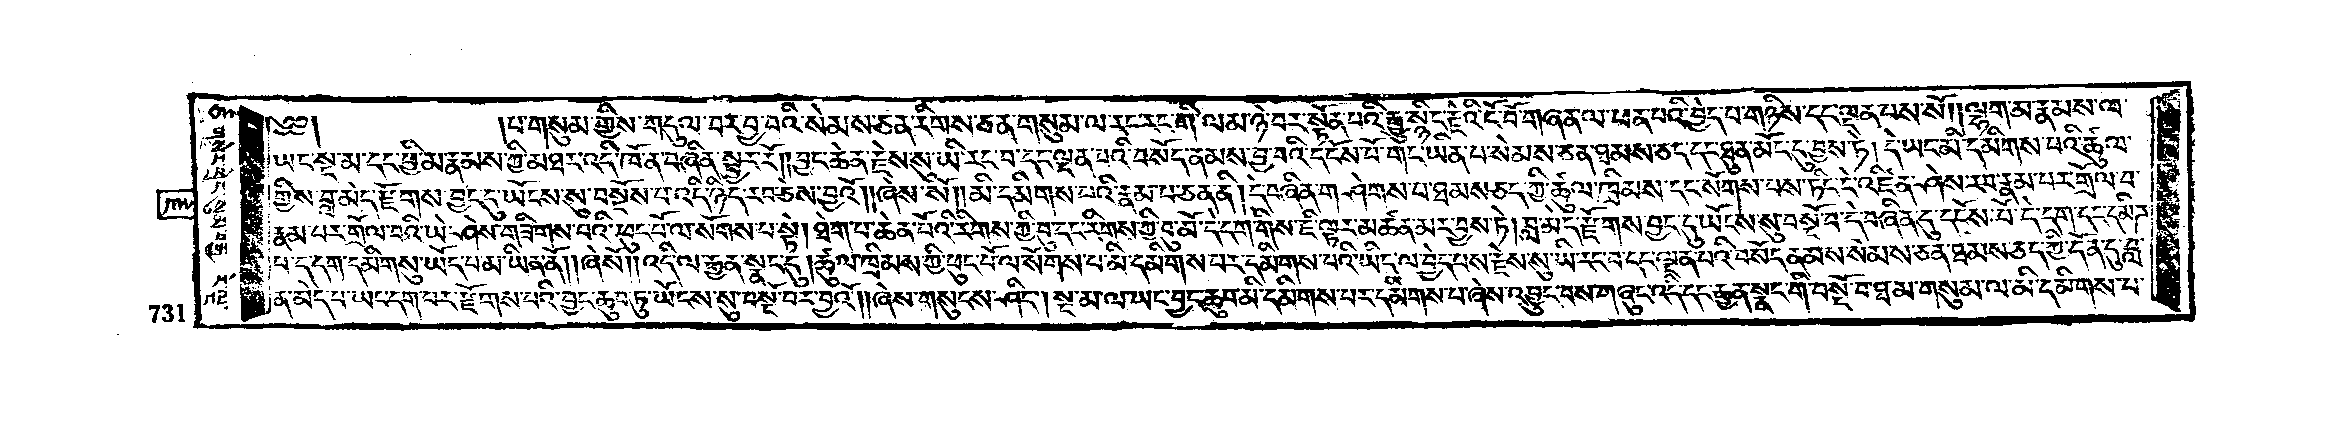༄༅། །པ་གསུམ་གྱིས་གདུལ་བར་བྱ་བའི་སེམས་ཅན་རིགས་ཅན་གསུམ་ལ་རང་རང་གི་ལམ་ཉེ་བར་སྟོན་པའི་རྒྱུ་སྙིང་རྗེའི་ངོ་བོ་གཞན་ལ་ཕན་པའི་བྱེད་པ་གཉིས་དང་ལྡན་པས་སོ། །ལྷག་མ་རྣམས་ལ་
ཡང་སྔ་མ་དང་ཕྱི་མ་རྣམས་ཀྱི་མཐར་འདི་ཁོ་ན་བཞིན་སྦྱར་རོ། །བྱང་ཆེན་རྗེས་སུ་ཡི་རང་བ་དང་ལྡན་པའི་བསོད་ནམས་བྱ་བའི་དངོས་པོ་གང་ཡིན་པ་སེམས་ཅན་ཐམས་ཅད་དང་ཐུན་མོང་དུ་བྱས་ཏེ། དེ་ཡང་མི་དམིགས་པའི་ཚུལ་
གྱིས་བླ་མེད་རྫོགས་བྱང་དུ་ཡོངས་སུ་བསྔོས་པ་འདི་ཉིད་རབ་ཅེས་བྱའོ། །ཞེས་སོ། །མི་དམིགས་པའི་རྣམ་པ་ཅན་ནི། དེ་བཞིན་གཤེགས་པ་ཐམས་ཅད་ཀྱི་ཚུལ་ཁྲིམས་དང་སོགས་པས་ཏིང་ངེ་འཛིན་ཤེས་རབ་རྣམ་པར་གྲོལ་བ་
རྣམ་པར་གྲོལ་བའི་ཡེ་ཤེས་གཟིགས་པའི་ཕུང་པོ་ལ་སོགས་པ་སྟེ། ཐེག་པ་ཆེན་པོའི་རིགས་ཀྱི་བུ་དང་རིགས་ཀྱི་བུ་མོ་དེ་དག་གིས་ཇི་ལྟར་མཚན་མར་བྱས་ཏེ། བླ་མེད་རྫོགས་བྱང་དུ་ཡོངས་སུ་བསྔོ་བ་དེ་བཞིན་དུ་དངོས་པོ་དེ་དག་དང་དམིགས་
པ་དེ་དག་དམིགས་སུ་ཡོད་པ་མ་ཡིན་ནོ། །ཞེས་སོ། །འདི་ལ་རྒྱན་སྣང་དུ། ཚུལ་ཁྲིམས་ཀྱི་ཕུང་པོ་ལ་སོགས་པ་མི་དམིགས་པར་དམིགས་པའི་ཡིད་ལ་བྱེད་པས་རྗེས་སུ་ཡི་རང་བ་དང་ལྡན་པའི་བསོད་ནམས་སེམས་ཅན་ཐམས་ཅད་ཀྱི་དོན་དུ་བླ་
ན་མེད་པ་ཡང་དག་པར་རྫོགས་པའི་བྱང་ཆུབ་ཏུ་ཡོངས་སུ་བསྔོ་བར་བྱའོ། །ཞེས་གསུངས་ཤིང་། སྔ་མ་ལ་ཡང་བྱང་ཆུབ་མི་དམིགས་པར་དམིགས་པ་ཞེས་འབྱུང་བས་གཞུང་འདི་དང་རྒྱན་སྣང་གི་བསྔོ་བ་ཐ་མ་གསུམ་ལ་མི་དམིགས་པ་